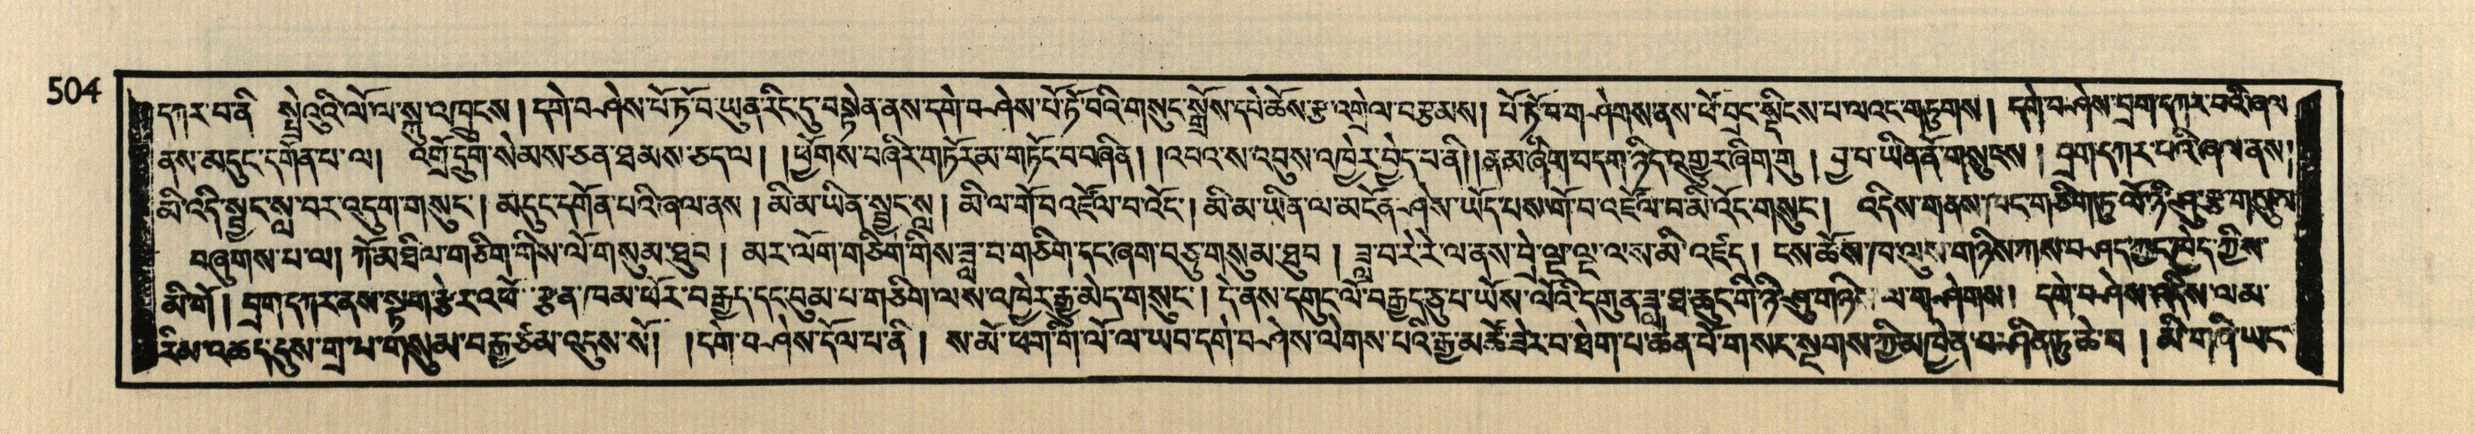དཀར་བ་ནི། སྤྲེའུའི་ལོ་ལ་སྐུ་འཁྲུངས། དགེ་བཤེས་པོ་ཏོ་བ་ཡུན་རིང་དུ་བསྟེན་ནས་དགེ་བཤེས་པོ་ཏོ་བའི་གསུང་སྒྲོས་དཔེ་ཆོས་རྩ་འགྲེལ་བརྩམས། པོ་ཏོ་བ་གཤེགས་ནས་ཕོ་བྲང་སྡིངས་པ་ལའང་གཏུགས། དགེ་བཤེས་བྲག་དཀར་བའི་ཞལ་
ནས་མདུང་དགོན་པ་ལ། འགྲོ་དྲུག་སེམས་ཅན་ཐམས་ཅད་ལ། །ཕྱོགས་བཞིར་གཏོར་མ་གཏོང་བ་བཞིན། །འབའ་ས་འབུས་འཁྱེར་བྱེད་པ་ནི། ནམ་ཞིག་བདག་ཉིད་འགྱུར་ཞིག་གུ །བྱ་བ་ཡིན་ནོ་གསུངས། བྲག་དཀར་པའི་ཞལ་ནས།
མི་འདི་སྦྱང་སླ་བར་འདུག་གསུང་། མདུང་དགོན་པའི་ཞལ་ནས། མི་མ་ཡིན་སྦྱང་སླ། མི་ལ་གོ་བ་འཛོལ་བ་འོང་། མི་མ་ཡིན་ལ་མངོན་ཤེས་ཡོད་པས་གོ་བ་འཛོལ་བ་མི་འོང་གསུང་། འདིས་གནས་ཁང་གཅིག་ཏུ་ལོ་ཉི་ཤུ་རྩ་གསུམ་
བཞུགས་པ་ལ། ཀོ་མཐིལ་གཅིག་གིས་ལོ་གསུམ་ཐུབ། མར་ལོག་གཅིག་གིས་ཟླ་བ་གཅིག་དང་ཞག་བཅུ་གསུམ་ཐུབ། ཟླ་བ་རེ་རེ་ལ་ནས་བྲེ་ལྔ་ལྔ་ལས་མི་འཛད། ངས་ཆོས་ཁ་ལུས་གཉིས་ཀས་བཤད་ཀྱང་ཁྱེད་ཀྱིས་
མི་གོ། བྲག་དཀར་ནས་སྟག་རྩེར་འཕོ་རྩན་ཁམ་པོར་བརྒྱད་དང་བུམ་པ་གཅིག་ལས་འཁྱེར་རྒྱུ་མེད་གསུང་། དེ་ནས་དགུང་ལོ་བརྒྱད་ཅུ་པ་ཡོས་ལོའི་དགུན་ཟླ་ཐ་ཆུང་གི་ཉི་ཤུ་གཉིས་ལ་གཤེགས། དགེ་བཤེས་འདིས་ལམ་
རིམ་འཆད་དུས་གྲ་ལ་གསུམ་བརྒྱ་ཙམ་འདུས་སོ། །དགེ་བཤེས་དོལ་པ་ནི། ས་མོ་ཕག་གི་ལོ་ལ་ཡབ་དགེ་བཤེས་ལེགས་པའི་རྒྱ་མཚོ་ཟེར་བ་ཐེག་པ་ཆེན་པོ་གསང་སྔགས་ཀྱི་མཁྱེན་བ་ཤིན་ཏུ་ཆེ་བ། མི་གཞི་ཡང་